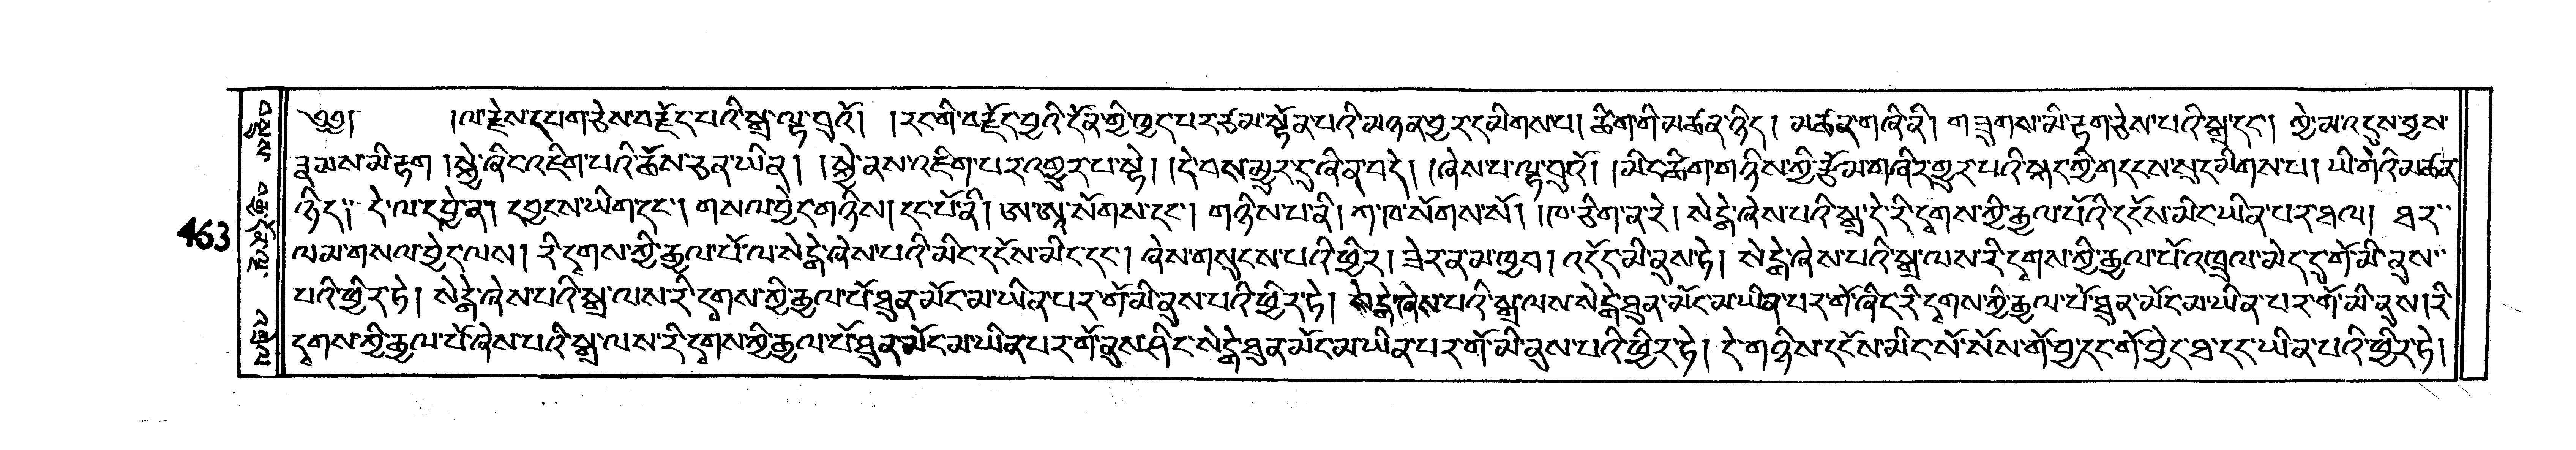༄༅། །ལ་རྗེས་དཔག་ཅེས་བརྗོད་པའི་སྒྲ་ལྟ་བུའོ། །རང་གི་བརྗོད་བྱའི་དོན་གྱི་ཁྱད་པར་ཙམ་སྟོན་པའི་མཉན་བྱར་དམིགས་པ། ཚིག་གི་མཚན་ཉིད། མཚན་གཞི་ནི། གཟུགས་མི་རྟག་ཅེས་པའི་སྒྲ་དང་། ཀྱེ་མ་འདུས་བྱས་
རྣམས་མི་རྟག །སྐྱེ་ཞིང་འཇིག་པའི་ཆོས་ཅན་ཡིན། །སྐྱེ་ནས་འཇིག་པར་འགྱུར་པ་སྟེ། །དེ་བས་མྱུར་དུ་ཞིན་བདེ། །ཞེས་པ་ལྟ་བུའོ། །མིང་ཚིག་གཉིས་ཀྱི་རྩོམ་གཞིར་གྱུར་པའི་སྐད་ཀྱི་གདངས་སུ་དམིགས་པ། ཡི་གེའི་མཚན་
ཉིད༑ དེ་ལ་དབྱེ་ན། དབྱངས་ཡིག་དང་། གསལ་བྱེད་གཉིས། དང་པོ་ནི། ཨ་ཨཱ་སོགས་དང་། གཉིས་པ་ནི། ཀ་ཁ་སོགས་སོ། །ཁ་ཅིག་ན་རེ། སེངྒེ་ཞེས་པའི་སྒྲ་དེ་རི་དྭགས་ཀྱི་རྒྱལ་པོའི་དངོས་མིང་ཡིན་པར་ཐལ། ཐར་
ལམ་གསལ་བྱེད་ལས། རི་དྭགས་ཀྱི་རྒྱལ་པོ་ལ་སེངྒེ་ཞེས་པའི་མིང་དངོས་མིང་དང་། ཞེས་གསུངས་པའི་ཕྱིར། ཟེར་ན་མ་ཁྱབ། འདོད་མི་ནུས་ཏེ། སེངྒེ་ཞེས་པའི་སྒྲ་ལས་རི་དྭགས་ཀྱི་རྒྱལ་པོ་འཁྲུལ་མེད་དུ་གོ་མི་ནུས་
པའི་ཕྱིར་ཏེ། སེངྒེ་ཞེས་པའི་སྒྲ་ལས་རི་དྭགས་ཀྱི་རྒྱལ་པོ་ཐུན་མོང་མ་ཡིན་པར་གོ་མི་ནུས་པའི་ཕྱིར་ཏེ། སེངྒེ་ཞེས་པའི་སྒྲ་ལས་སེངྒེ་ཐུན་མོང་མ་ཡིན་པར་གོ་ཞིང་རི་དྭགས་ཀྱི་རྒྱལ་པོ་ཐུན་མོང་མ་ཡིན་པར་གོ་མི་ནུས་།རི་
དྭགས་ཀྱི་རྒྱལ་པོ་ཞེས་པའི་སྒྲ་ལས་རི་དྭགས་ཀྱི་རྒྱལ་པོ་ཐུན་མོང་མ་ཡིན་པར་གོ་ནུས་ཤིང་སེངྒེ་ཐུན་མོང་མ་ཡིན་པར་གོ་མི་ནུས་པའི་ཕྱིར་ཏེ། དེ་གཉིས་དངོས་མིང་སོ་སོས་གོ་བྱ་དང་གོ་བྱེད་ཐ་དད་ཡིན་པའི་ཕྱིར་ཏེ།